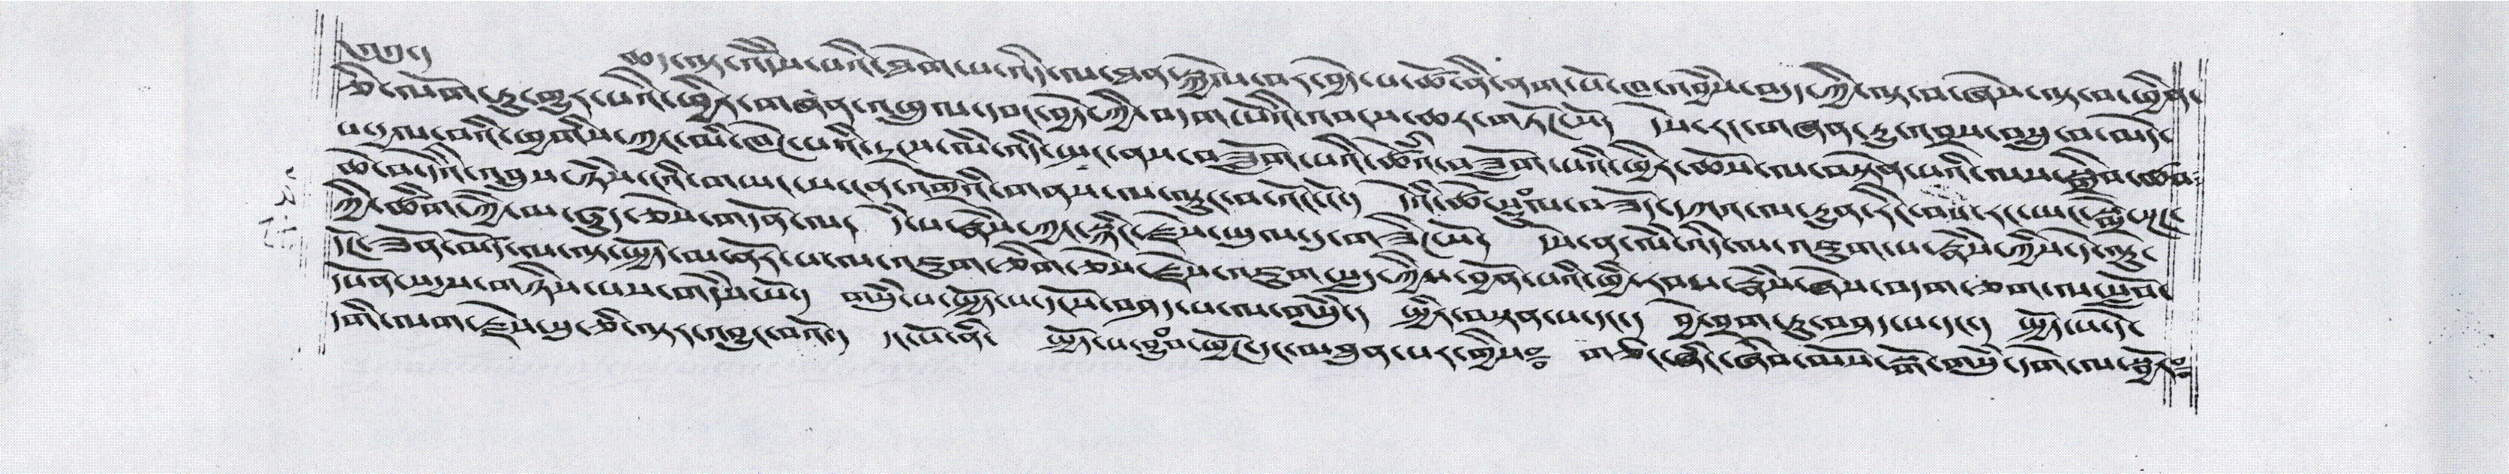ཆད་ལྟ་འདོམས་པའི་ཐེག་པ་འདི་ལ་ཐན་སྐྱེལ་བར་བྱེད་པ་ཚོ་ནི་ནག་པོ་ཁ་འབྱམས་བདུད་ཀྱི་ལྟ་བ་ཞེས་ལྟ་བ་ཕྱིན་
ཅི་ལོག་ཏུ་གྱུར་པའི་ཕྱིར་གཞན་འཕྲུལ་དབང་བྱེད་ཀྱི་རྒྱལ་པོའི་འབངས་ཆར་གཏོགས་སོ། དེས་རང་གཞན་ལས་འབྲས་བསླུ་བ་མེད་
པ་རྒྱལ་བའི་ཕྱག་གིས་ཀྱང་མི་ཁེགས་པའི་དྲང་ལམ་འདི་སྤངས་ནས་བཟློག་པའི་ཚེའམ་བཟློག་པའི་ཕྱིར་ཆོས་ལ་བསྟེན་པའི་ལས་སྒྲིབ་ཚབས་
ཆེ་བ་དེའི་འབྲས་བུ་ཉམ་ངའི་གཡང་ས་ངན་འགྲོའི་གནས་ལ་ལྷུང་བ་འོང་ངོ་། དེའི་ཚེ་སྡུག་བསྔལ་བཟོད་དཀའ་ལ་རྒྱུན་རིང་བས་རང་ཡང་སྨྲེ་ངག་
གི་ཚིག་ཀྱི་མ་ཧུད་ཅེས་གདོན་ལ། དམ་པ་རྣམས་ཀྱང་སྙིང་རྗེས་ཡུལ་དུ་གཟིགས་སོ། དེས་ན་ལམ་འདི་ལ་འཇུག་པ་རྣམས་ཀྱིས་དེ་ལྟ་བུ་
དྭོགས་ཟོན་མཛོད་ལ་ལྟ་སྤྱོད་མ་ནོར་བ་ལ་འཇུག་ཅིག་ཅེས་རྗེས་འཇུག་སླད་ཀྱིས་བྱོན་པའི་ཕྱི་རབས་རྣམས་ཞེས་བདག་ཅག་ལ་སློབ་
དཔོན་སངས་རྒྱས་གཉིས་པས་གདམས་སོ། གསུམ་པ་སྤྱོད་པ་དངོས་བཤད་པ་ལ་གསུམ། སྤྱིར་བསྟན་པ་དང་། བྱེ་བྲག་ཏུ་བཤད་པ་དང་། སྤྱོད་པ་དེ་
དག་གི་ལག་རྗེས་སུ་ཅི་ལྟར་འབྱུང་བའོ། དང་པོ་ནི། སྤྱོད་པ་བྱང་ཆུབ་ཕྱོགས་དང་མཐུན་པར་གྱིསཿ གཙང་ཞིང་ཞིབ་མོས་སྒོ་གསུམ་དགེ་ལ་སྦྱོངཿ